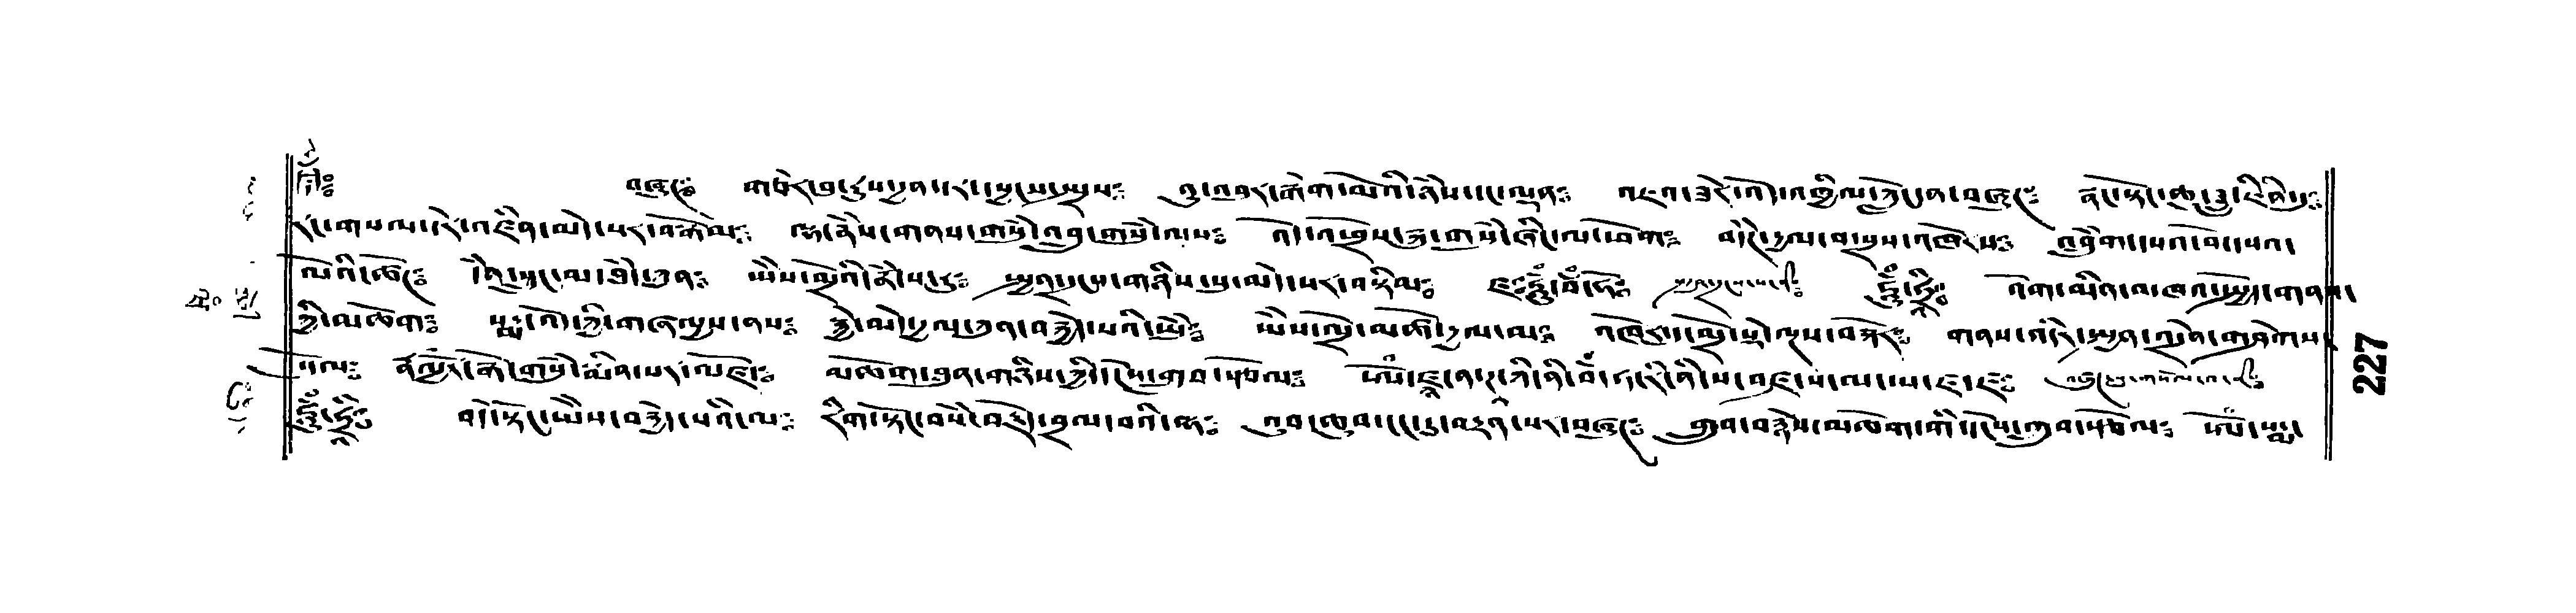བཞུགས༔ གཅེར་བུ་རུས་རྒྱན་དར་དཔྱངས་སྤྲས༔ ནུ་འབུར་སྒེག་མོའི་ཉམས་དང་ལྡན༔ འཇའ་ཟེར་འོད་འཁྱིལ་ཀློང་ན་བཞུགས༔ སྣང་སྟོང་ཆུ་ཟླ་ཇི་བཞིན་དུ༔ 
རང་གསལ་དེར་འཛིན་མེད་པར་བསྒོམ༔ ལྷ་རྣམས་གནས་གསུམ་འབྲུ་གསུམ་ལས༔ འོད་འཕྲོས་སྐུ་གསུམ་ཞིང་ལ་ཕོག༔ བདེ་གཤེགས་རྒྱལ་བ་སྲས་འཁོར་བཅས༔ འབུམ་ཕྲག་དཔའ་བོ་དཔའ་
མོའི་ཚོགས༔ དམ་ཅན་སྲུང་མ་ཐམས་ཅད་ཀུན༔ ཡེ་ཤེས་མཁའ་འགྲོའི་རྣམ་པ་རུ༔ སྤྱན་དྲངས་གཉིས་སུ་མེད་པར་བསྟིམ༔ ཛཿཧཱུྃ་བྃ་ཧོཿ སྤྱན་དྲངས་པ་ནི༔ ཧཱུྃ་ཧྲཱིཿ འོག་མིན་མཁའ་སྤྱོད་གནས་
ཀྱི་མཆོག༔པདྨ་འོད་ཀྱི་གཞལ་ཡས་ནས༔ སྐྱེ་མེད་རྒྱལ་ཀུན་བསྐྱེད་པའི་ཡུམ༔ ཡེ་ཤེས་མཁའ་འགྲོ་མཚོ་རྒྱལ་མ༔ འཁོར་དུ་མཁའ་འགྲོ་སྡེ་ལྔས་བསྐོར༔ གནས་འདིར་སྤྱན་འདྲེན་གཤེགས་
སུ་གསོལ༔ རྣལ་འབྱོར་སྒོ་གསུམ་སྨིན་པརམཛོད༔ མཆོག་ཐུན་གཉིས་ཀྱི་དངོས་གྲུབ་སྩོལ༔ ཨོཾ་ཛྙཱ་ན་ཌཱ་ཀི་ནི་བྃ་ཧ་རི་ནི་ས་བཛྲ་ས་མ་ཡ་ཛ་ཛཿ བཞུགས་སུ་གསོལ་བ་ནི༔ 
ཧཱུྃ་ཧྲཱིཿ བདེ་སྟོང་ཡེ་ཤེས་བསྐྱེད་པའི་མ༔ རིག་སྟོང་བསམ་བརྗོད་བྲལ་བའི་ལྷ༔ འུབ་ཆུབ་ངང་དུ་བརྟན་པར་བཞུགས༔ གྲུབ་བརྙེས་མཆོག་གི་དངོས་གྲུབ་སྩོལ༔ ཨོཾ་པདྨ་